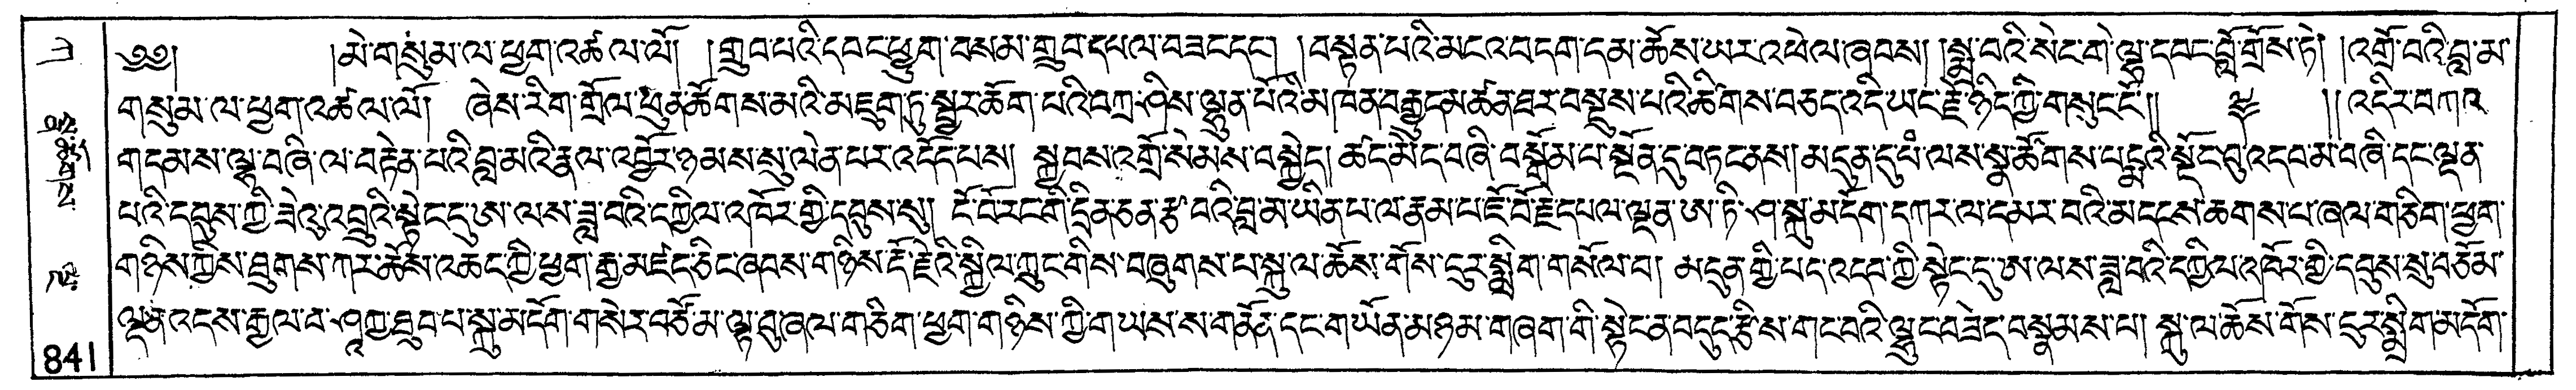༄༅། །མེ་གསུམ་ལ་ཕྱག་འཚལ་ལོ། །གྲུབ་པའི་དབང་ཕྱུག་བསམ་གྲུབ་དཔལ་བཟང་དང་། །བསྟན་པའི་མངའ་བདག་དམ་ཆོས་ཡར་འཕེལ་ཞབས། །སྨྲ་བའི་སེང་གེ་ལྷ་དབང་བློ་གྲོས་ཏེ། །འགྲོ་བའི་བླ་མ་
གསུམ་ལ་ཕྱག་འཚལ་ལོ། ཞེས་རིག་གྲོལ་ཕུན་ཚོགས་མའི་མཇུག་ཏུ་སྦྱར་ཆོག་པའི་བཀྲ་ཤིས་ལྷུན་པོའི་མཁན་བརྒྱུད་མཚན་ཐར་བསྡུས་པའི་ཚིགས་བཅད་འདི་ཡང་རྗེ་ཉིད་ཀྱི་གསུང་ངོ།། ༈ །།འདིར་བཀའ་
གདམས་ལྷ་བཞི་ལ་བརྟེན་པའི་བླ་མའི་རྣལ་འབྱོར་ཉམས་སུ་ལེན་པར་འདོད་པས། སྐྱབས་འགྲོ་སེམས་བསྐྱེད། ཚད་མེད་བཞི་བསྒོམ་པ་སྔོན་དུ་བཏང་ནས། མདུན་དུ་པཾ་ལས་སྣ་ཚོགས་པདམའི་སྡོང་བུ་འདབ་མ་བཞི་དང་ལྡན་
པའི་དབུས་ཀྱི་ཟེའུ་འབྲུའི་སྟེང་དུ་ཨ་ལས་ཟླ་བའི་དཀྱིལ་འཁོར་གྱི་དབུས་སུ། ངོ་བོ་རང་གི་དྲིན་ཅན་རྩ་བའི་བླ་མ་ཡིན་པ་ལ་རྣམ་པ་ཇོ་བོ་རྗེ་དཔལ་ལྡན་ཨ་ཏི་ཤ་སྐུ་མདོག་དཀར་ལ་དམར་བའི་མདངས་ཆགས་པ་ཞལ་གཅིག་ཕྱག་
གཉིས་ཀྱིས་ཐུགས་ཀར་ཆོས་འཆད་ཀྱི་ཕྱག་རྒྱ་མཛད་ཅིང་ཞབས་གཉིས་རྡོ་རྗེའི་སྐྱིལ་ཀྲུང་གིས་བཞུགས་པ་སྐུ་ལ་ཆོས་གོས་ངུར་སྨྲིག་གསོལ་བ། མདུན་གྱི་པད་འདབ་ཀྱི་སྟེང་དུ་ཨ་ལས་ཟླ་བའི་དཀྱིལ་འཁོར་གྱི་དབུས་སུ་བཅོམ་
ལྡན་འདས་རྒྱལ་བ་ཤཱཀྱ་ཐུབ་པ་སྐུ་མདོག་གསེར་བཙོ་མ་ལྟ་བུ་ཞལ་གཅིག་ཕྱག་གཉིས་ཀྱི་གཡས་ས་གནོན་དང་གཡོན་མཉམ་གཞག་གི་སྟེང་ན་བདུད་རྩིས་གང་བའི་ལྷུང་བཟེད་བསྣམས་པ། སྐུ་ལ་ཆོས་གོས་ངུར་སྨྲིག་མདོག་